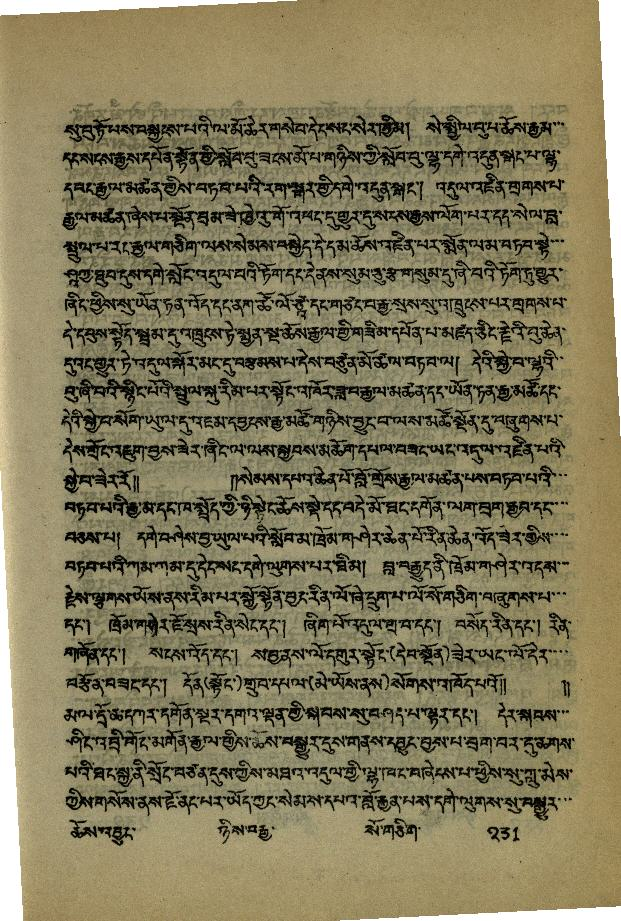སུ་བུ་ཏོ་པས་བསྐྱངས་པའི་ལ་མོ་ཆེར་གསེབ་དེང་སང་སེར་ཁྱིམ། སེ་སྤྱིལ་བུ་པ་ཆོས་རྒྱམ་
དང་སངས་རྒྱས་དཔོན་སྟོན་གྱི་སློབ་བུ་ཟངས་མོ་པ་གཉིས་ཀྱི་སློབ་བུ་ལྷ་དགེ་འདུན་སྒང་པ་ལྷ་
དབང་རྒྱལ་མཚན་གྱིས་བཏབ་པའི་རག་སྒར་གྱི་དགེ་འདུན་སྒང་། འདུལ་འཛིན་གྲགས་པ་
རྒྱལ་མཚན་ཞེས་པ་སྔོན་བྲམ་ཟེ་ཁྱེའུ་གོ་འཕང་དུ་གྱུར་དུ་སངས་རྒྱས་ལོག་པར་དད་སེལ་བླ་
སྤྲུལ་པ་རང་རྒྱལ་གཅིག་ལས་སེམས་བསྐྱེད་དེ་དམ་ཆོས་འཛིན་པར་སྨོན་ལམ་བཏབ་སྟེ་
ཤཱཀྱ་ཐུབ་དུས་དགེ་སློང་འདུལ་བའི་ཏོག་དང་དེ་ནས་སུམ་ཅུ་རྩ་གསུམ་དུ་ཞི་བའི་ཏོག་ཏུ་གྱུར་
ཞིང་ཕྱིས་སུ་ཡོན་ཏན་འོད་དང་ནག་ཚོ་ལོ་ཙཱ་དང་གཙང་བརྒྱ་སྲས་སུ་འཁྲུངས་པར་གྲགས་པ་
དེ་དབུས་སྟོད་སྦྲམ་དུ་འཁྲུངས་ཏེ་སྤྱན་སྔ་ཆོས་རྒྱལ་གྱི་གཟིམ་དཔོན་པ་མཛད་ཅིང་རྗེའི་བུ་ཆེན་
དུའང་གྱུར་ཏེ་འདུལ་སྐོར་མང་དུ་བརྩམས་པ་དེས་བཙུན་མོ་ཚལ་བཏབ་ལ། དེའི་སྐྱེ་བ་ལྷའི་
བུ་ཞི་བའི་སྙིང་པོའི་སྤྲུལ་སྐུ་རིམ་པར་སྟོང་འཁོར་ཟླ་བ་རྒྱལ་མཚན་དང་ཡོན་ཏན་རྒྱ་མཚོ་དང་
དེའི་སྐྱེ་བ་སོག་ཡུལ་དུ་འཇམ་དབྱངས་རྒྱ་མཚོ་གཉིས་བྱུང་བ་ལས་མཚོ་སྔོན་དུ་བཞུགས་པ་
དེས་གྲོང་འཇུག་བྱས་ཟེར་ཞིང་ལ་ལས་སྐྱབས་མཆོག་དཔལ་བཟང་ཡང་འདུལ་འཛིན་པའི་
སྐྱེ་བ་ཟེར་རོ།། །།སེམས་དཔའ་ཆེན་པོ་བློ་གྲོས་རྒྱ་མཚན་པས་བཏབ་པའི་
བཏབ་པའི་རྒྱ་མ་དང་ཁ་སྤྲོད་ཀྱི་ཉི་སྟེང་ཆོས་སྡེ་དང་བདེ་མོ་ཐང་དགོན་ལག་བྲག་རྒྱབ་དང་
བཅས་པ། དགེ་བཤེས་བྱ་ཡུལ་པའི་སློབ་མ་ཁྲོམ་གཤེར་ཆེན་པོ་རིན་ཆེན་འོད་ཟེར་གྱིས་
བཏབ་པའི་ཀམ་ཀམ་དུ་དེང་སང་དགེ་ལུགས་པར་ཐིམ། བླ་བརྒྱུད་ནི་ཁྲོམ་གཤེར་འདས་
རྗེས་ལྕགས་ཡོས་ནས་རིམ་པར་སྐྱོ་སྟོན་བྱང་རིན་ལོ་ཞེ་དྲུག་པ་ལོ་སོ་གཅིག་བཞུགས་པ་
དང་། ཁྲོམ་ཉེར་ཇོ་སྲས་རིན་སེང་དང་། ཞིག་པོ་འདུལ་གྲ་བ་དང་། བསོད་རིན་དང་། རིན་
གཞོན་དང་། སངས་འོད་དང་། ས་བྱ་ནས་ལོ་དགུར་སྟོང་དེབ་སྔོན་ཟེར་ཡང་ལོ་དེར་
བརྩོན་བཟང་དང་། དོན་སྟོང་གྲུབ་དཔལ་མེ་ཡོས་ནས་སོགས་འཁོད་པའོ།། །།
མལ་དྲོ་ཆ་དཀར་དགོན་སྔར་དགའ་ལྡན་གྱི་སྐབས་སུ་བཤད་པ་ལྟར་དང་། དེར་སྐབས་
ཤིང་འབྲི་གོང་མགོན་རྒྱལ་གྱིས་ཆོས་བསྒྱུར་དུས་གནས་དབྱུང་བྱས་པ་བྲག་བར་དུ་ཆགས་
པའི་ཐང་སྐྱ་ནི་སྲོང་བཙན་དུས་ཀྱིས་མཐའ་འདུལ་གྱི་ལྷ་ཁང་བཞེངས་པ་ཕྱིས་སུ་ཀླུ་མེས་
ཀྱིས་གསོས་ནས་ཇོ་ནང་པར་ཡོད་ཀྱང་སེམས་དཔའ་བློ་རྒྱན་པས་དགེ་ལུགས་སུ་བསྒྱུར་